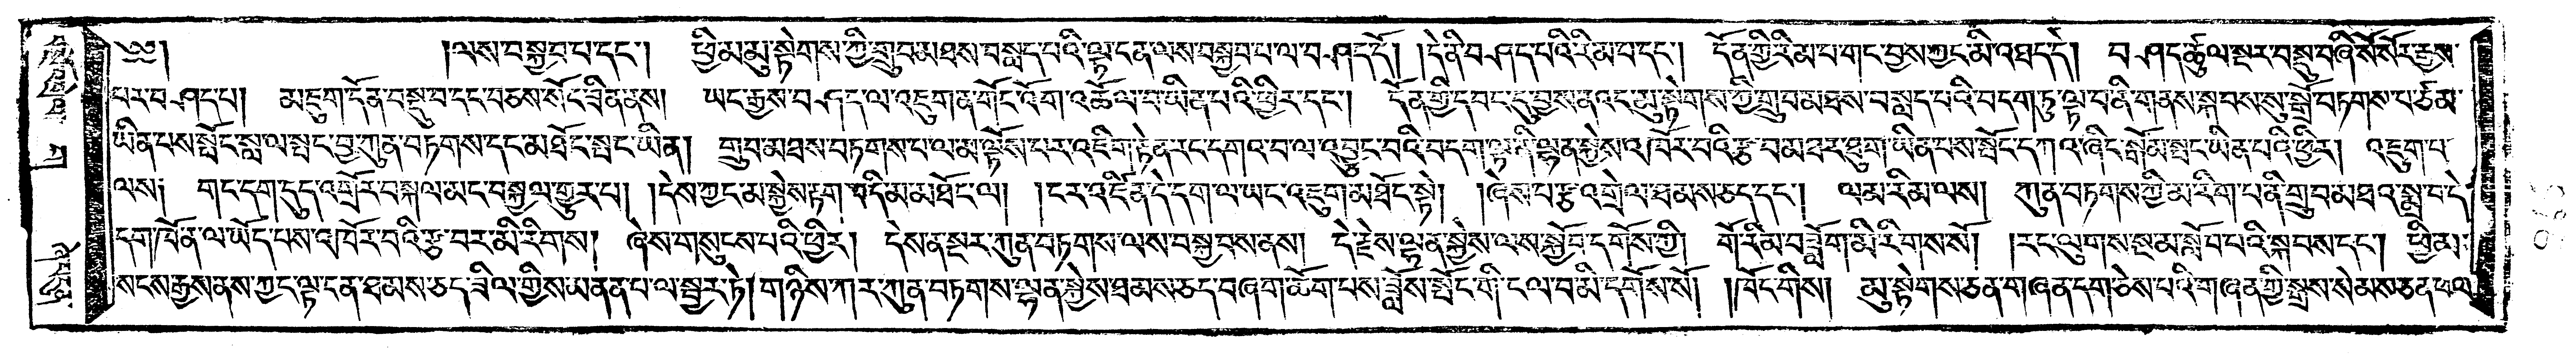༄༅། །ལས་བསྐྱབ་པ་དང་། ཕྱི་མ་མུ་སྟེགས་ཀྱི་གྲུབ་མཐས་བསླད་པའི་ལྟ་ངན་ལས་བསྐྱབ་པ་ལ་བཤད་དོ། །དེ་ནི་བཤད་པའི་རིམ་པ་དང་། དོན་གྱི་རིམ་པ་གང་བྱས་ཀྱང་མི་འཐད་དེ། བཤད་ཚུལ་སྔར་བསྡུ་བཞི་སོ་སོར་རྒྱས་
པར་བཤད་པ། མཇུག་དོན་བསྡུ་བ་དང་བཅས་སོང་ཟིན་ནས། ཡང་རྒྱས་བཤད་ལ་འཇུག་ན་གོང་འོག་འཆོལ་བ་ཡིན་པའི་ཕྱིར་དང་། དོན་གྱི་དབང་དུ་བྱས་ནའང་མུ་སྟེགས་ཀྱི་གྲུབ་མཐས་བསླད་པའི་བདག་ཏུ་ལྟ་བ་ནི་གནས་སྐབས་སུ་སྒྲོ་བཏགས་བ་ཙམ་
ཡིན་པས་སྤོང་སླ་ལ་སྤང་བྱ་ཀུན་བཏགས་དང་མཐོང་སྤང་ཡིན། གྲུབ་མཐས་བཏགས་པ་ལ་མ་ལྟོས་པར་འཇིག་རྟེན་རང་དགའ་བ་ལ་འབྱུང་བའི་བདག་ལྷ་ནི་ལྷན་སྐྱེས་འཁོར་བའི་རྩ་བ་མཐར་ཐུག་ཡིན་པས་སྤོང་དཀའ་ཞིང་སྒོམ་སྤང་ཡིན་པའི་ཕྱིར། འཇུག་པ་
ལས། གང་དག་དུད་འགྲོང་བསྐལ་མང་བསྐྱལ་གྱུར་པ། །དེས་ཀྱང་མ་སྐྱེས་རྟག་འདི་མ་མཐོང་ལ། །དར་འཛིན་དེ་དག་ལ་ཡང་འཇུག་མཐོང་སྟེ། །ཞེས་པ་རྩ་འགྲེལ་ཐམས་ཅད་དང་། ལམ་རིམ་ལས། ཀུན་བཏགས་ཀྱི་མ་རིག་པ་ནི་གྲུབ་མཐའ་སྨྲ་བ་དེ་
དག་ཁོ་ན་ལ་ཡོད་པས་འཁོར་བའི་རྩ་བར་མི་རིགས། ཞེས་གསུངས་པའི་ཕྱིར། དེས་ན་སྔར་ཀུན་བཏགས་ལས་བསྐྱབས་ནས། དེ་རྗེས་ལྷན་སྐྱེས་ལས་སྐྱོབ་དགོས་ཀྱི། གོ་རིམ་བཟློག་མི་རིགས་སོ། །རང་ལུགས་སྔ་མ་སློབ་པའི་སྐབས་དང་། ཕྱི་མ་
སངས་རྒྱས་ནས་ཀྱང་ལྔ་དན་ཐམས་ཅད་ཟིལ་གྱིས་མནན་པ་ལ་སྦྱར་ཏེ། གཉིས་ཀར་ཀུན་བཏགས་ལྷན་སྐྱེས་ཐམས་ཅད་བཞག་ཆོག་པས་ཟློས་སྤོང་གི་ངལ་བ་མི་དགོས་སོ། །ཁོང་གིས། མུ་སྟེགས་ཅན་གཞན་དག་ཅེས་པའི་གཞན་གྱི་སྒྲས་སེམས་ཅན་ཕལ་